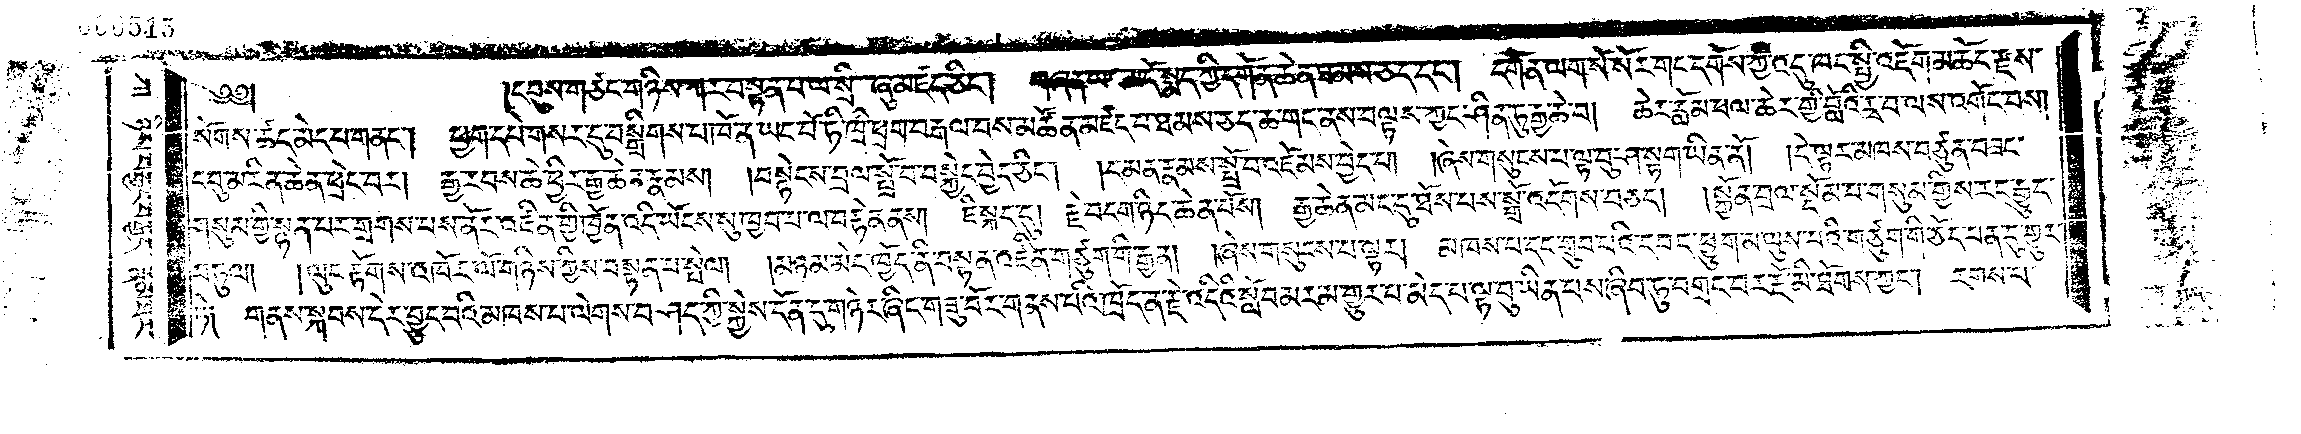༄༅། །དབུས་གཙང་གཉིས་ཀར་བསྟན་པ་ལ་སྲི་ཞུ་མཛད་ཅིང་། གཞན་ཡང་མདོ་སྨད་ཀྱི་དགོན་ཆེན་ཐམས་ཅད་དང་། དགོན་ལག་སོ་སོར་གང་དགོས་ཀྱི་འདུ་ཁང་སྤྱི་འཇོག་མཆོད་རྫས་
སོགས་ཚད་མེད་པ་གནང་། ཕྱག་དཔེ་གསར་དུ་བསྒྲིགས་པ་ཁོ་ན་ཡང་པོ་ཏི་ཁྲི་ཕྲག་བརྒལ་བས་མཚོན་མཛད་པ་ཐམས་ཅད་ཆ་གང་ནས་བལྟས་ཀྱང་ཤིན་ཏུ་རྒྱ་ཆེ་བ། ཆེར་རློམ་ཕལ་ཆེར་གྱི་བློའི་རྭ་བ་ལས་འགོང་བས།
དབུ་མ་རིན་ཆེན་ཕྲེང་བར། རྒྱ་རབས་ཆེ་ཕྱིར་རྒྱ་ཆེན་རྣམས། །བསྙེངས་བྲལ་སྤྲོ་བ་བསྐྱེད་བྱེད་ཅིང་། །དམན་རྣམས་སྤྲོ་བ་འཇོམས་བྱེད་པ། །ཞེས་གསུངས་པ་ལྟ་བུ་ཤ་སྟག་ཡིན་ནོ། །དེ་ལྟར་མཁས་བཙུན་བཟང་
གསུམ་གྱི་སྙན་པར་གྲགས་པས་ནོར་འཛིན་གྱི་ཁྱོན་འདི་ཡོངས་སུ་ཁྱབ་པ་ལ་བརྟེན་ནས། ཇི་སྐད་དུ། རྗེ་བདག་ཉིད་ཆེན་པོས། རྒྱ་ཆེན་མང་དུ་ཐོས་པས་སྒྲོ་འདོགས་བཅད། །སྐྱོན་བྲལ་སྡོམ་པ་གསུམ་གྱིས་རང་རྒྱུད་
བཏུལ། །ལུང་རྟོགས་འཁོར་ལོ་གཉིས་ཀྱིས་བསྟན་པ་སྤེལ། །མཉམ་མེད་ཁྱོད་ནི་བསྟན་འཛིན་གཙུག་གི་རྒྱན། །ཞེས་གསུངས་པ་ལྟར། མཁས་པ་དང་གྲུབ་པའི་དབང་ཕྱུག་མ་ལུས་པའི་གཙུག་གི་ཅོད་ཕན་དུ་གྱུར་
ཏེ༑ གནས་སྐབས་དེར་བྱུང་བའི་མཁས་པ་ལེགས་བཤད་ཀྱི་སྐྱེས་དོན་དུ་གཉེར་ཞིང་གཟུ་བོར་གནས་པའི་ཁྲོད་ན་རྗེ་འདིའི་སློབ་མར་མ་གྱུར་པ་མེད་པ་ལྟ་བུ་ཡིན་པས་ཞིབ་ཏུ་བགྲང་བར་རྡོ་མི་ཐོགས་ཀྱང་། རགས་པ་